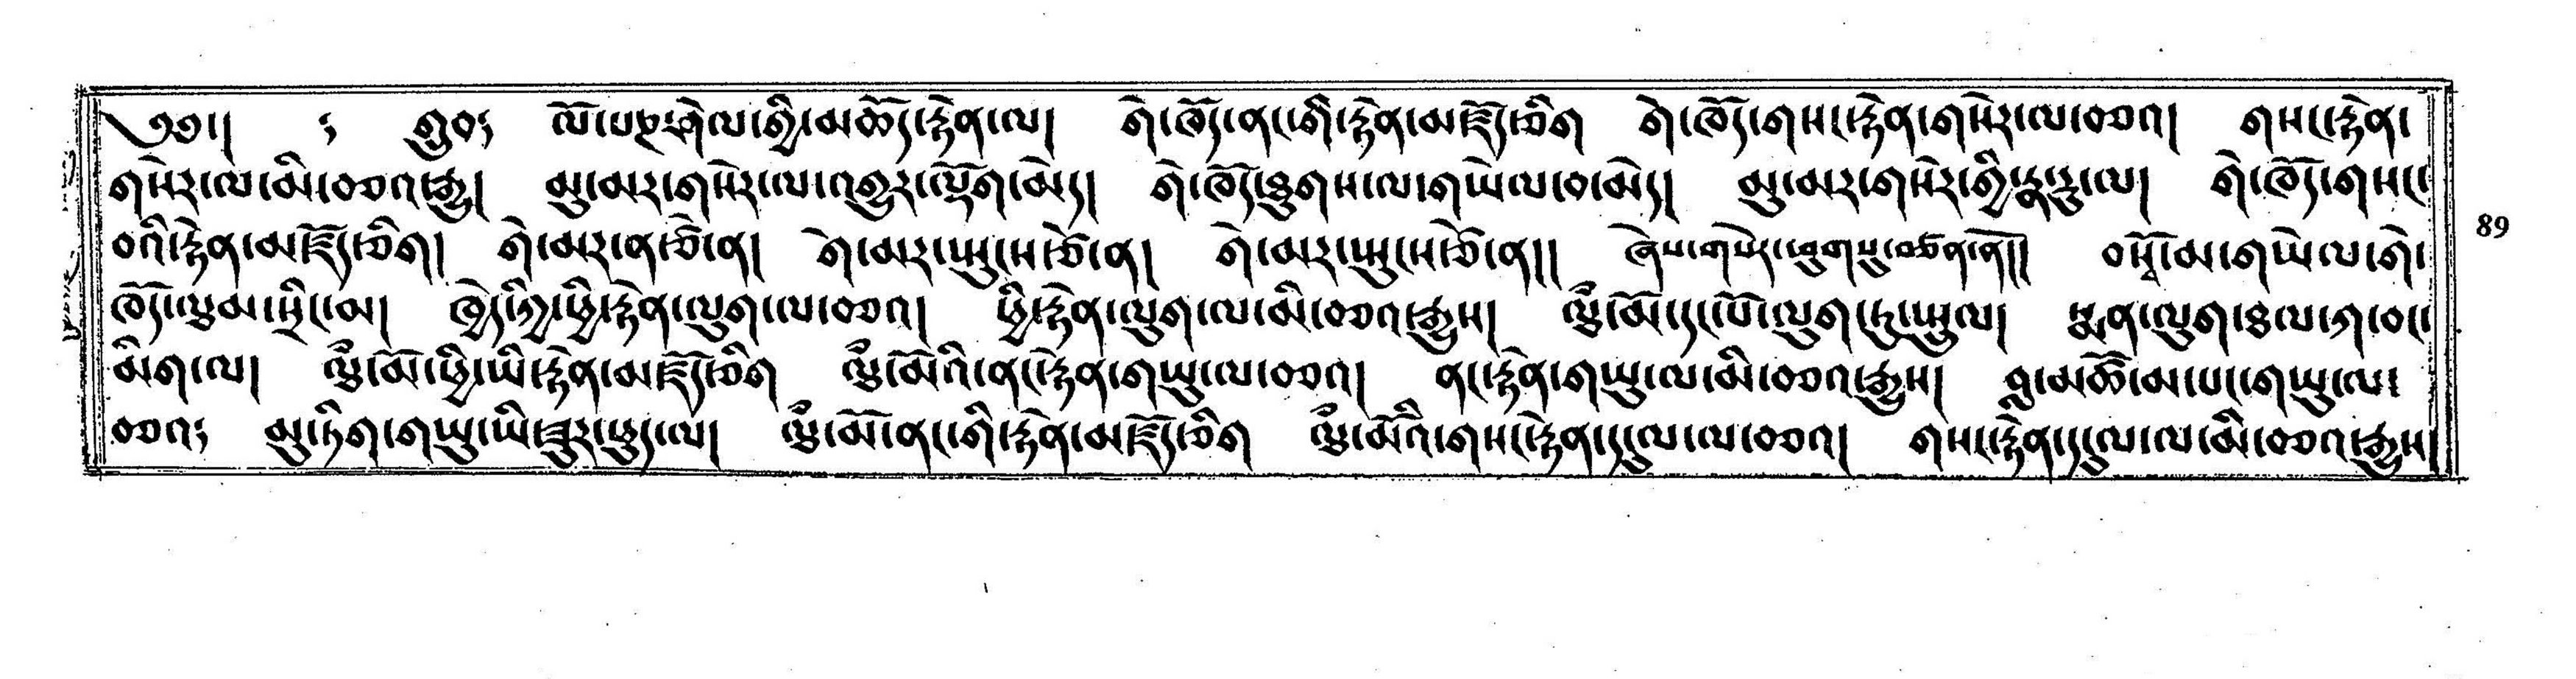གྲུབ། ལོ་པཎ་ཤེལ་གྱི་མཆོད་རྟེན་ལ། གེ་ཁོད་ནང་གི་རྟེན་མཛོད་ཅིག གེ་ཁོད་གསང་རྟེན་གསེར་ལ་བཅའ། གསང་རྟེན་
གསེར་ལ་མི་བཅའ་རྒྱུ། མུ་མར་གསེར་ལ་འགྱུར་ལྡོག་མེད། གེ་ཁོད་ཐུགས་ལ་གཡེལ་བ་མེད། མུ་མར་གསེར་གྱི་རྣ་རུ་ལ། གེ་ཁོད་གསང་
བའི་རྟེན་མཛོད་ཅིག གེ་མར་ན་ཙེ་ན། གེ་མར་སྤུངས་ཙེ་ན། གེ་མར་སྤུངས་ཙེ་ན།། ཞེས་གསེར་ཕུགས་སུ་བཙན་ནོ།། བསྭོ་མ་གཡེལ་གེ་
ཁོད་ལྕམ་སྲིང་མ། ཁྱེད་ཀྱི་ཕྱི་རྟེན་ལུག་ལ་བཅའ། ཕྱི་རྟེན་ལུག་ལ་མི་བཅའ་རྒྱུས། ལྕམ་མོ་དང་པོ་ལུག་ཏུ་སྤྲུལ། སྨན་ལུག་ཐལ་ཀ་བང་
མིག་ལ། ལྕམ་མོ་ཕྱི་ཡི་རྟེན་མཛོད་ཅིག ལྕམ་མོའི་ནང་རྟེན་གཡུ་ལ་བཅའ། ནང་རྟེན་གཡུ་ལ་མི་བཅའ་རྒྱུས། བླ་མཚོ་མ་པང་གཡུ་ལ་
བཅའ། མུ་ཏིག་གཡུ་ཡི་ཟུར་ཕུད་ལ། ལྕམ་མོ་ནང་གི་རྟེན་མཛོད་ཅིག ལྕམ་མོའི་གསང་རྟེན་དངུལ་ལ་བཅའ། གསང་རྟེན་དངུལ་ལ་མི་བཅའ་རྒྱུས་